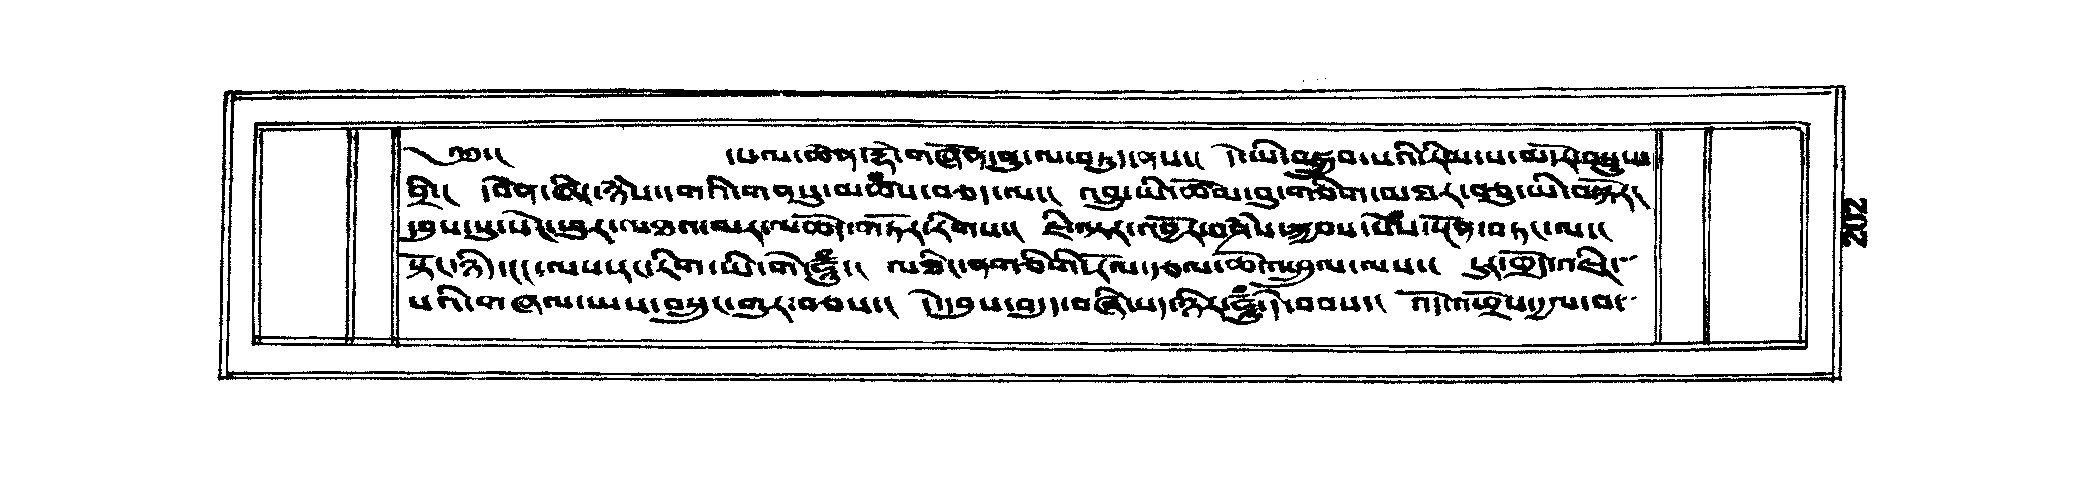དཔལ་ཆེན་རྡོ་རྗེ་གཞོན་ནུས་ལ་བཏུད་ནས། དེ་ཡི་བསྒྲུབ་པའི་རིམ་པ་མདོར་བསྡུས་
བྲི། དབེན་ཞིང་ཉམས་དགའི་གནས་སུ་མཚམས་བཅད་ལ། འབྲུ་ཡི་ཚོམ་བུ་གཅིག་མཐར་བཅུ་ཡི་བསྐོར། 
དབུས་སུ་སེང་ཕུར་མཐའ་མར་མཆོད་གཏོར་རིགས། ཇི་ལྟར་འབྱོར་བཤམས་སྐྱབས་སེམས་སྔོན་བཏང་ལ། 
སྟོང་ཉིད་ངང་ལས་རང་རིག་ཡི་གེ་ཧཱུྃ། མཐིང་ནག་གཅིག་གི་རོལ་རྩལ་ཆོ་འཕྲུལ་ལས། དུར་ཁྲོད་འཇིགས་
པའི་གཞལ་ཡས་བསྲུང་གུར་བཅས། དེ་དབུས་བདུད་བཞི་པད་ཉིར་ཧཱུྃ་དེ་བབས། འོད་འཕྲོས་རྒྱལ་བ་